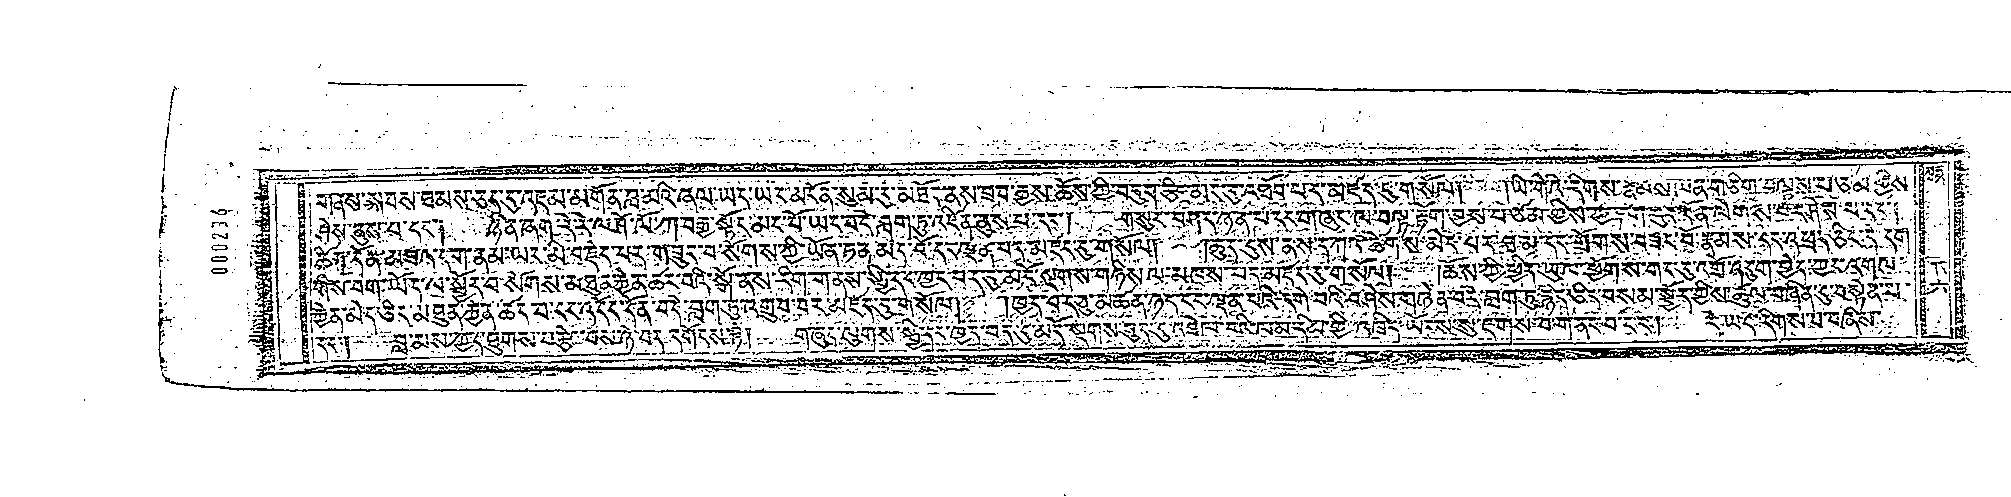གནས་སྐབས་ཐམས་ཅད་དུ་འཇམ་མགོན་བླ་མའི་ཞལ་ཡང་ཡང་མངོན་སུམ་དུ་མཐོང་ནས་ཟབ་རྒྱས་ཆོས་ཀྱི་བདུད་རྩི་མང་དུ་འཐོབ་པར་མཛད་དུ་གསོལ། །ཡི་གེའི་རིགས་རྣམས་ལན་གཅིག་བལྟས་པ་ཙམ་གྱིས་
ཤེས་ནུས་པ་དང་། ཉིན་ཞག་རེ་རེ་ལ་ཤོ་ལོ་ཀ་བརྒྱ་སྟོང་མང་པོ་ཡང་བདེ་བླག་ཏུ་འཛིན་ནུས་པ་དང་། གསུང་ཤད་ཉན་པ་དང་གཞུང་ལ་བལྟ་རྟོག་བྱས་པ་ཙམ་གྱིས་ཀྱང་གཞུང་དོན་ལེགས་པར་ཤེས་པ་དང་།
ཚིག་དོན་མཐའ་དག་ནམ་ཡང་མེ་བརྗེད་པར་གཟུང་བ་སོགས་ཀྱི་ཡོན་ཏན་མང་བོ་དང་ལྡན་པར་མཛད་དུ་གསོལ། །ཆུང་དུས་ནས་དཀའ་ཚིགས་མེད་པར་བླ་མ་དང་གྲོགས་བཟང་པོ་རྣམས་དང་འཕྲད་ཅིང་དེ་དག་
གིས་བག་ཡོད་ལ་སྦྱོར་བ་སོགས་མཐུན་རྐྱེན་ཚང་བའི་སྒོ་ནས་རིག་གནས་སྤྱི་དང་ཁྱད་པར་དུ་མདོ་སྔགས་གཉིས་ལ་མཁས་པར་མཛད་དུ་གསོལ། །ཆོས་ཀྱི་ཕྱིར་ཡུལ་ཕྱོགས་གང་དུ་འགྲོ་འདུག་བྱེད་ཀྱང་འགལ་
རྐྱེན་མེད་ཅིང་མཐུན་རྐྱེན་ཚང་བ་དང་འདོད་དོན་བདེ་བླག་ཏུ་འགྲུབ་བར་མཛད་དུ་གསོལ། །ཁྱད་བར་ཏུ་མཚན་ཉིད་དང་ལྡན་པའི་དགེ་བའི་བཤེས་གཉེན་བདེ་བླག་ཏུ་རྙེད་ཅིང་བསམ་སྦྱོར་གྱིས་ཚུལ་བཞིན་དུ་བསྟེན་པ་
དང་། བླ་མས་ཀྱང་ཐུགས་བརྩེ་བས་ཉེ་བར་དགོངས་ཏེ། གཞུང་ལུགས་སྤྱི་དང་ཁྱད་བར་དུ་མདོ་སྔགས་ཟུང་དུ་འབྲེལ་བའི་ལམ་རིམ་གྱི་འཁྲིད་ཡོངས་སུ་རྫོགས་པ་གནང་བ་དང་། དེ་ཡང་རིགས་བ་བཞིས།